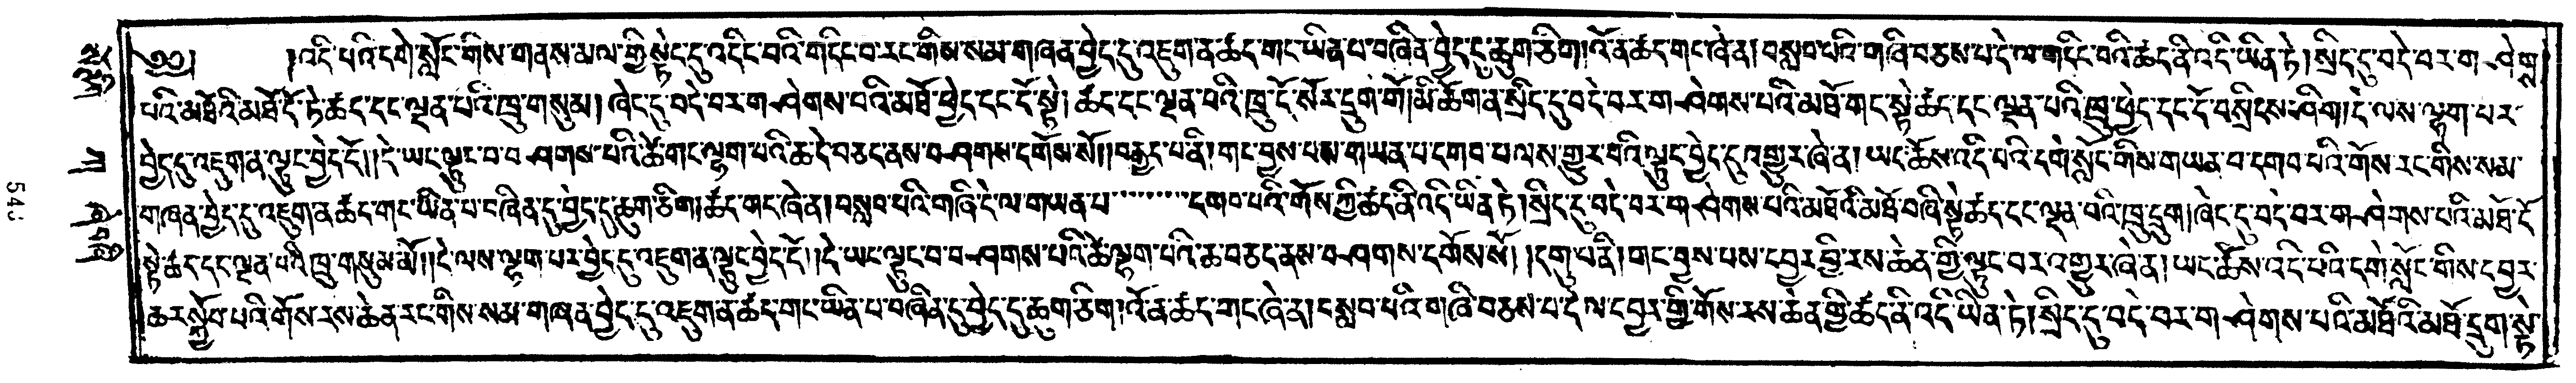༄༅། །འདི་པའི་དགེ་སློང་གིས་གནས་མལ་གྱི་སྟེང་དུ་འདིང་བའི་གདིང་བ་རང་གིས་སམ་གཞན་བྱེད་དུ་འཇུག་ན་ཚད་གང་ཡིན་པ་བཞིན་བྱེད་དུ་ཆུག་ཅིག། འོ་ན་ཚད་གང་ཞེ་ན། བསླབ་པའི་གཞི་བཅས་པ་དེ་ལ་གདིང་བའི་ཚད་ནི་འདི་ཡིན་ཏེ། སྲིད་དུ་བདེ་བར་གཤེགས་
པའི་མཐོའི་མཐོ་དོ་ཏེ་ཚད་དང་ལྡན་པའི་ཁྲུ་གསུམ། ཞེང་དུ་བདེ་བར་གཤེགས་པའི་མཐོ་ཕྱེད་དང་དོ་སྟེ། ཚང་དང་ལྡན་བའི་ཁྲུ་དོ་སོར་དྲུག་གོ། མི་ཚོག་ན་སྲིད་དུ་བདེ་བར་གཤེགས་པའི་མཐོ་གང་སྟེ་ཚད་དང་ལྡན་པའི་ཁྲུ་ཕྱེད་དང་དོ་བསྲིངས་ཤིག། དེ་ལས་ལྷག་པར་
བྱེད་དུ་འཇུག་ན་ལྟུང་བྱེད་དོ། །དེ་ཡང་ལྟུང་བ་བཤགས་པའི་ཚེ་གང་ལྷག་པའི་ཆ་དེ་བཅད་ནས་བཤགས་དགོས་སོ། །བརྒྱད་པ་ནི། གང་བྱས་པས་གཡན་པ་དགབ་པ་ལས་གྱུར་པའི་ལྟུང་བྱེད་དུ་འགྱུར་ཞེ་ན། ཡང་ཆོས་འདི་བའི་དགེ་སློང་གིས་གཡན་བ་དགབ་པའི་གོས་རང་གིས་སམ་
གཞན་བྱེད་དུ་འཇུག་ན་ཚད་གང་ཡིན་པ་བཞིན་དུ་བྱེད་དུ་ཆུག་ཅིག། ཚད་གང་ཞེ་ན། བསླབ་པའི་གཞི་དེ་ལ་གཡན་པ་དགབ་པའི་གོས་ཀྱི་ཚད་ནི་འདི་ཡིན་ཏེ། སྲིད་དུ་བདེ་བར་གཤེགས་པའི་མཐོའི་མཐོ་བཞི་སྟེ་ཚད་དང་ལྡན་པའི་ཁྲུ་དྲུག། ཞེང་དུ་བདེ་བར་གཤེགས་པའི་མཐོ་ངོ་
སྟེ་ཚད་དང་ལྡན་པའི་ཁྲུ་གསུམ་མོ། །དེ་ལས་ལྷག་པར་བྱེད་དུ་འཇུག་ན་ལྟུང་བྱེད་དོ། །དེ་ཡང་ལྟུང་བ་བཤགས་པའི་ཚེ་ལྷག་པའི་ཆ་བཅད་ནས་བཤགས་དགོས་སོ། །དགུ་པ་ནི། གང་བྱས་པས་དབྱར་བྱི་རས་ཆེན་གྱི་ལྟུང་བར་འགྱུར་ཞེ་ན། ཡང་ཆོས་འདི་པའི་དགེ་སློང་གིས་དབྱར་
ཆར་སྐྱོབ་པའི་གོས་རས་ཆེན་རང་གིས་སམ་གཞན་བྱེད་དུ་འཇུག་ན་ཚད་གང་ཡིན་པ་བཞིན་དུ་བྱེད་དུ་ཆུག་ཅིག། འོ་ན་ཚད་གང་ཞེ་ན། བསླབ་པའི་གཞི་བཅས་པ་དེ་ལ་དབྱར་གྱི་གོས་རས་ཆེན་གྱི་ཚད་ནི་འདི་ཡིན་ཏེ། སྲིད་དུ་བདེ་བར་གཤེགས་པའི་མཐོའི་མཐོ་དྲུག་སྟེ་